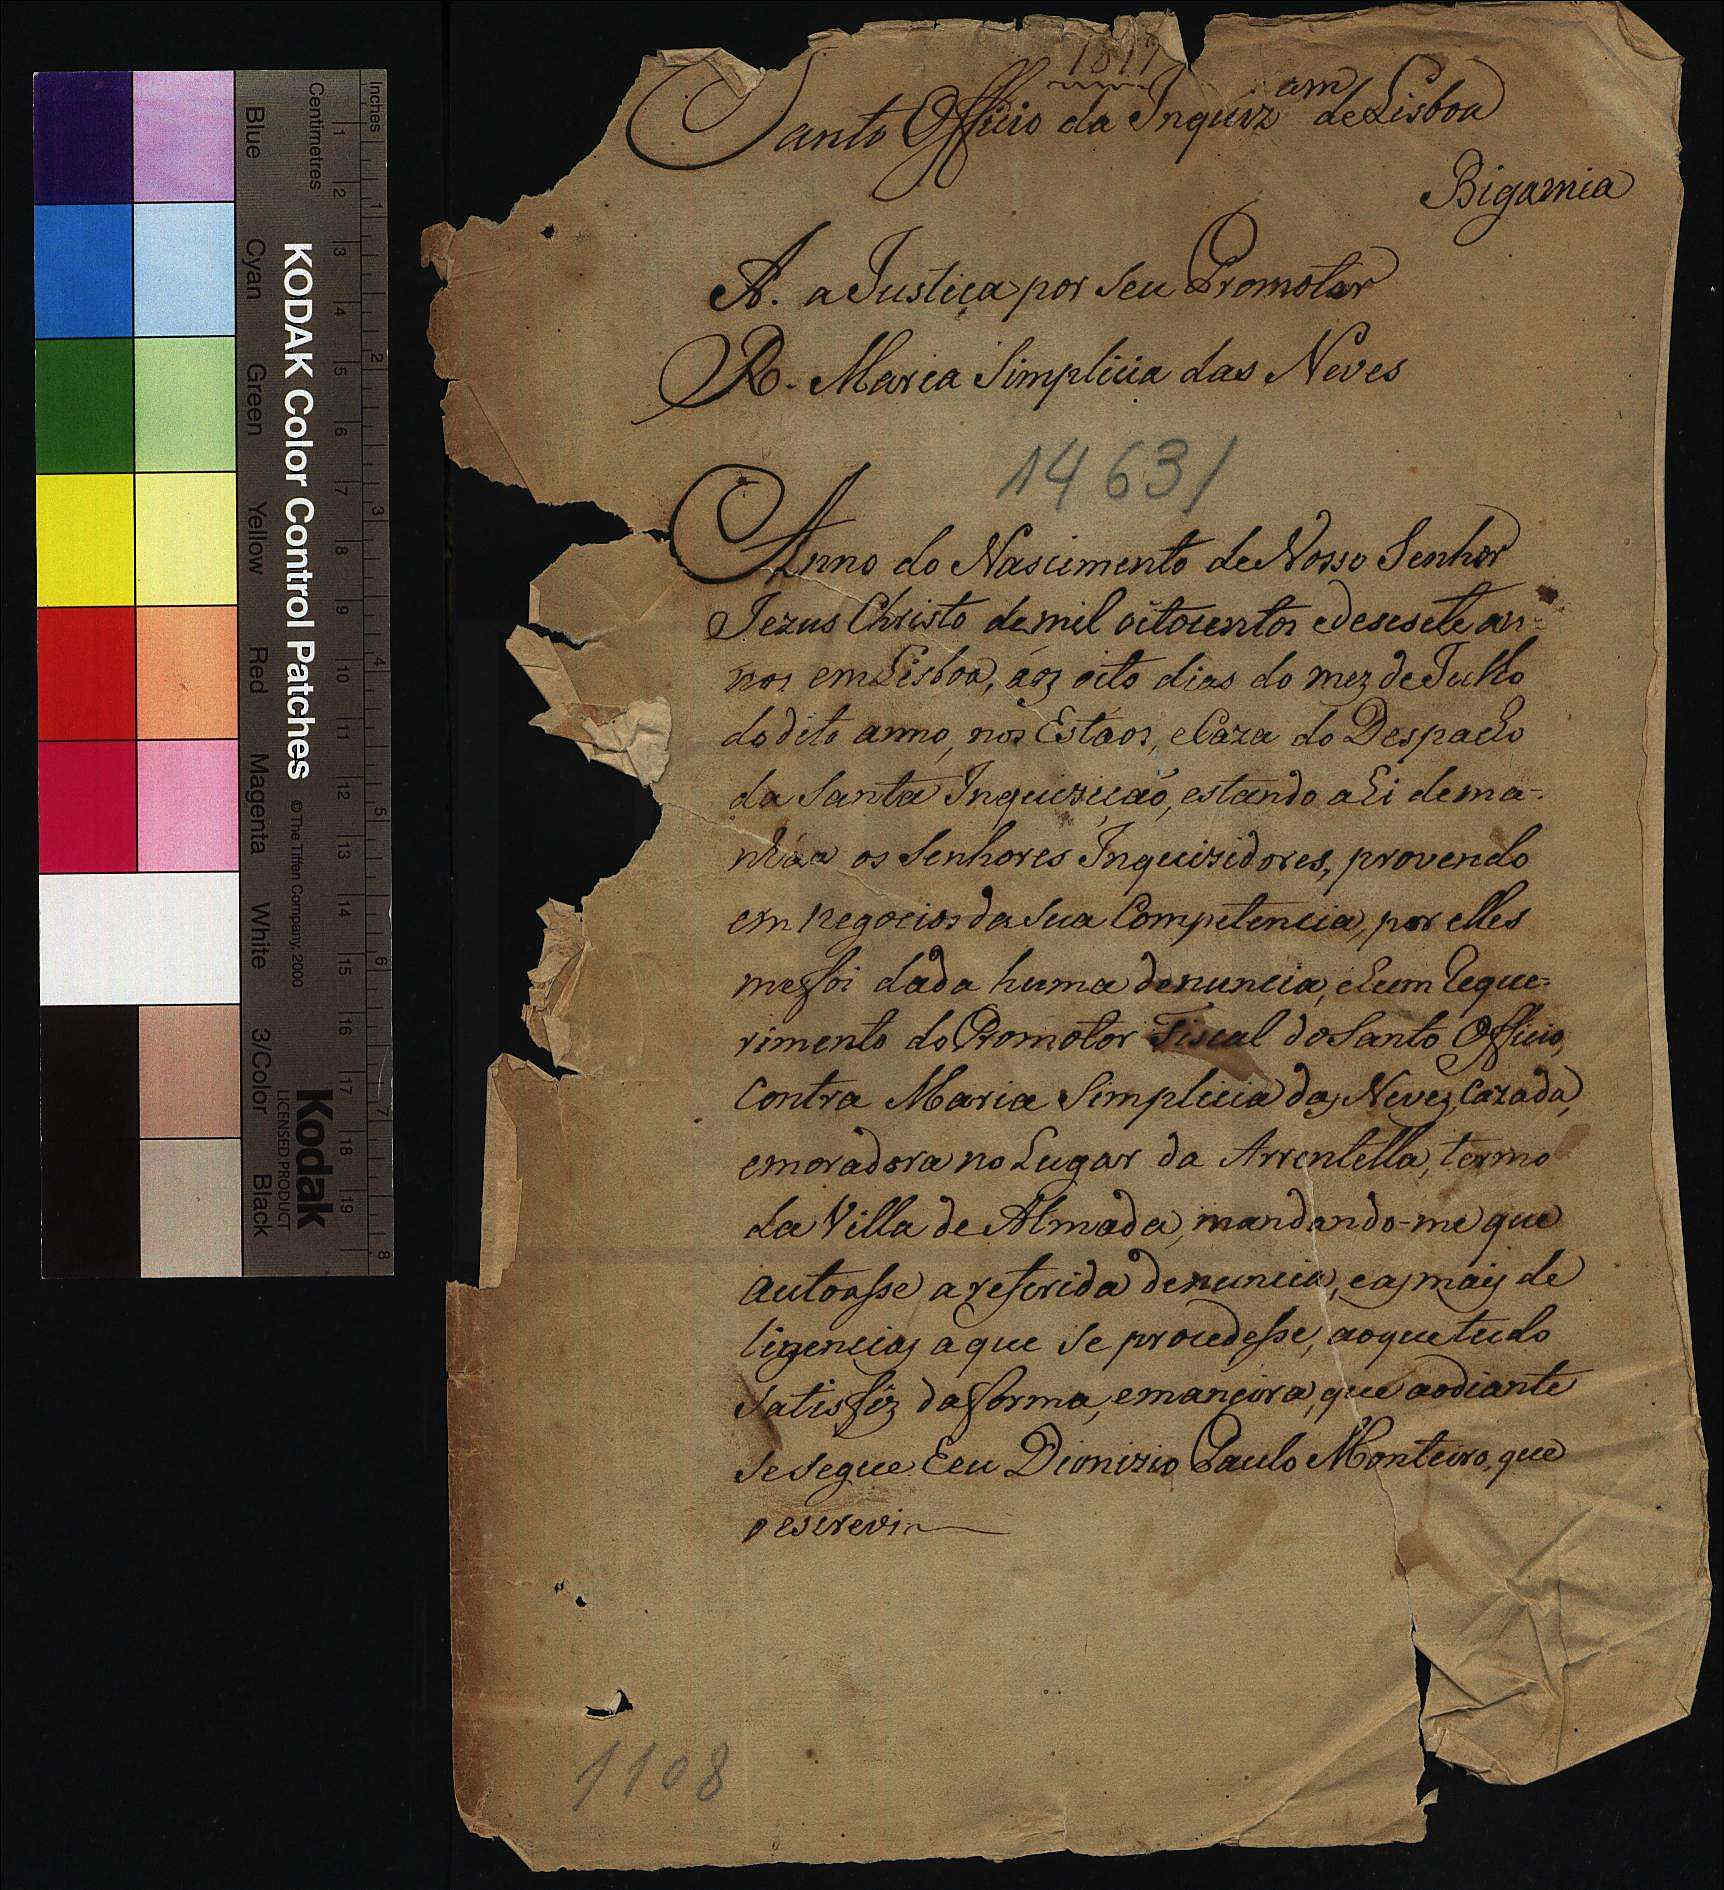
Santo Officio da Inquizam de Lisboa
Bigamia
A. a Iustiça por seu Promotor
R. Maria Simplicia das Neves
Anno do Nascimento de Nosso Senhor
Iezus Christo de mil oitocentos e desesete an
nos em Lisboa, áoz oito dias do mez de Iulho
do dito anno, nos Estáos, e Caza do Despacho
da Santa Inquizição, estando ahi de ma
nhãa os Senhores Inquizidores, provendo
em negosios da sua competencia, por elles
me foi dada huma denuncia, e hum Reque
rimento do Promotor Fiscal do Santo Officio,
contra Maria Simplicia das Neves, cazada,
e moradora no Lugar da Arrentella, termo
da Villa de Almada, mandando-me que
autoasse a referida denuncia, e as mais de
ligencias a que se procedesse, ao que tudo
satisfêz da forma, e maneira, que ao diante
se segue E eu Dionizio Paulo Monteiro, que
o escrevi
